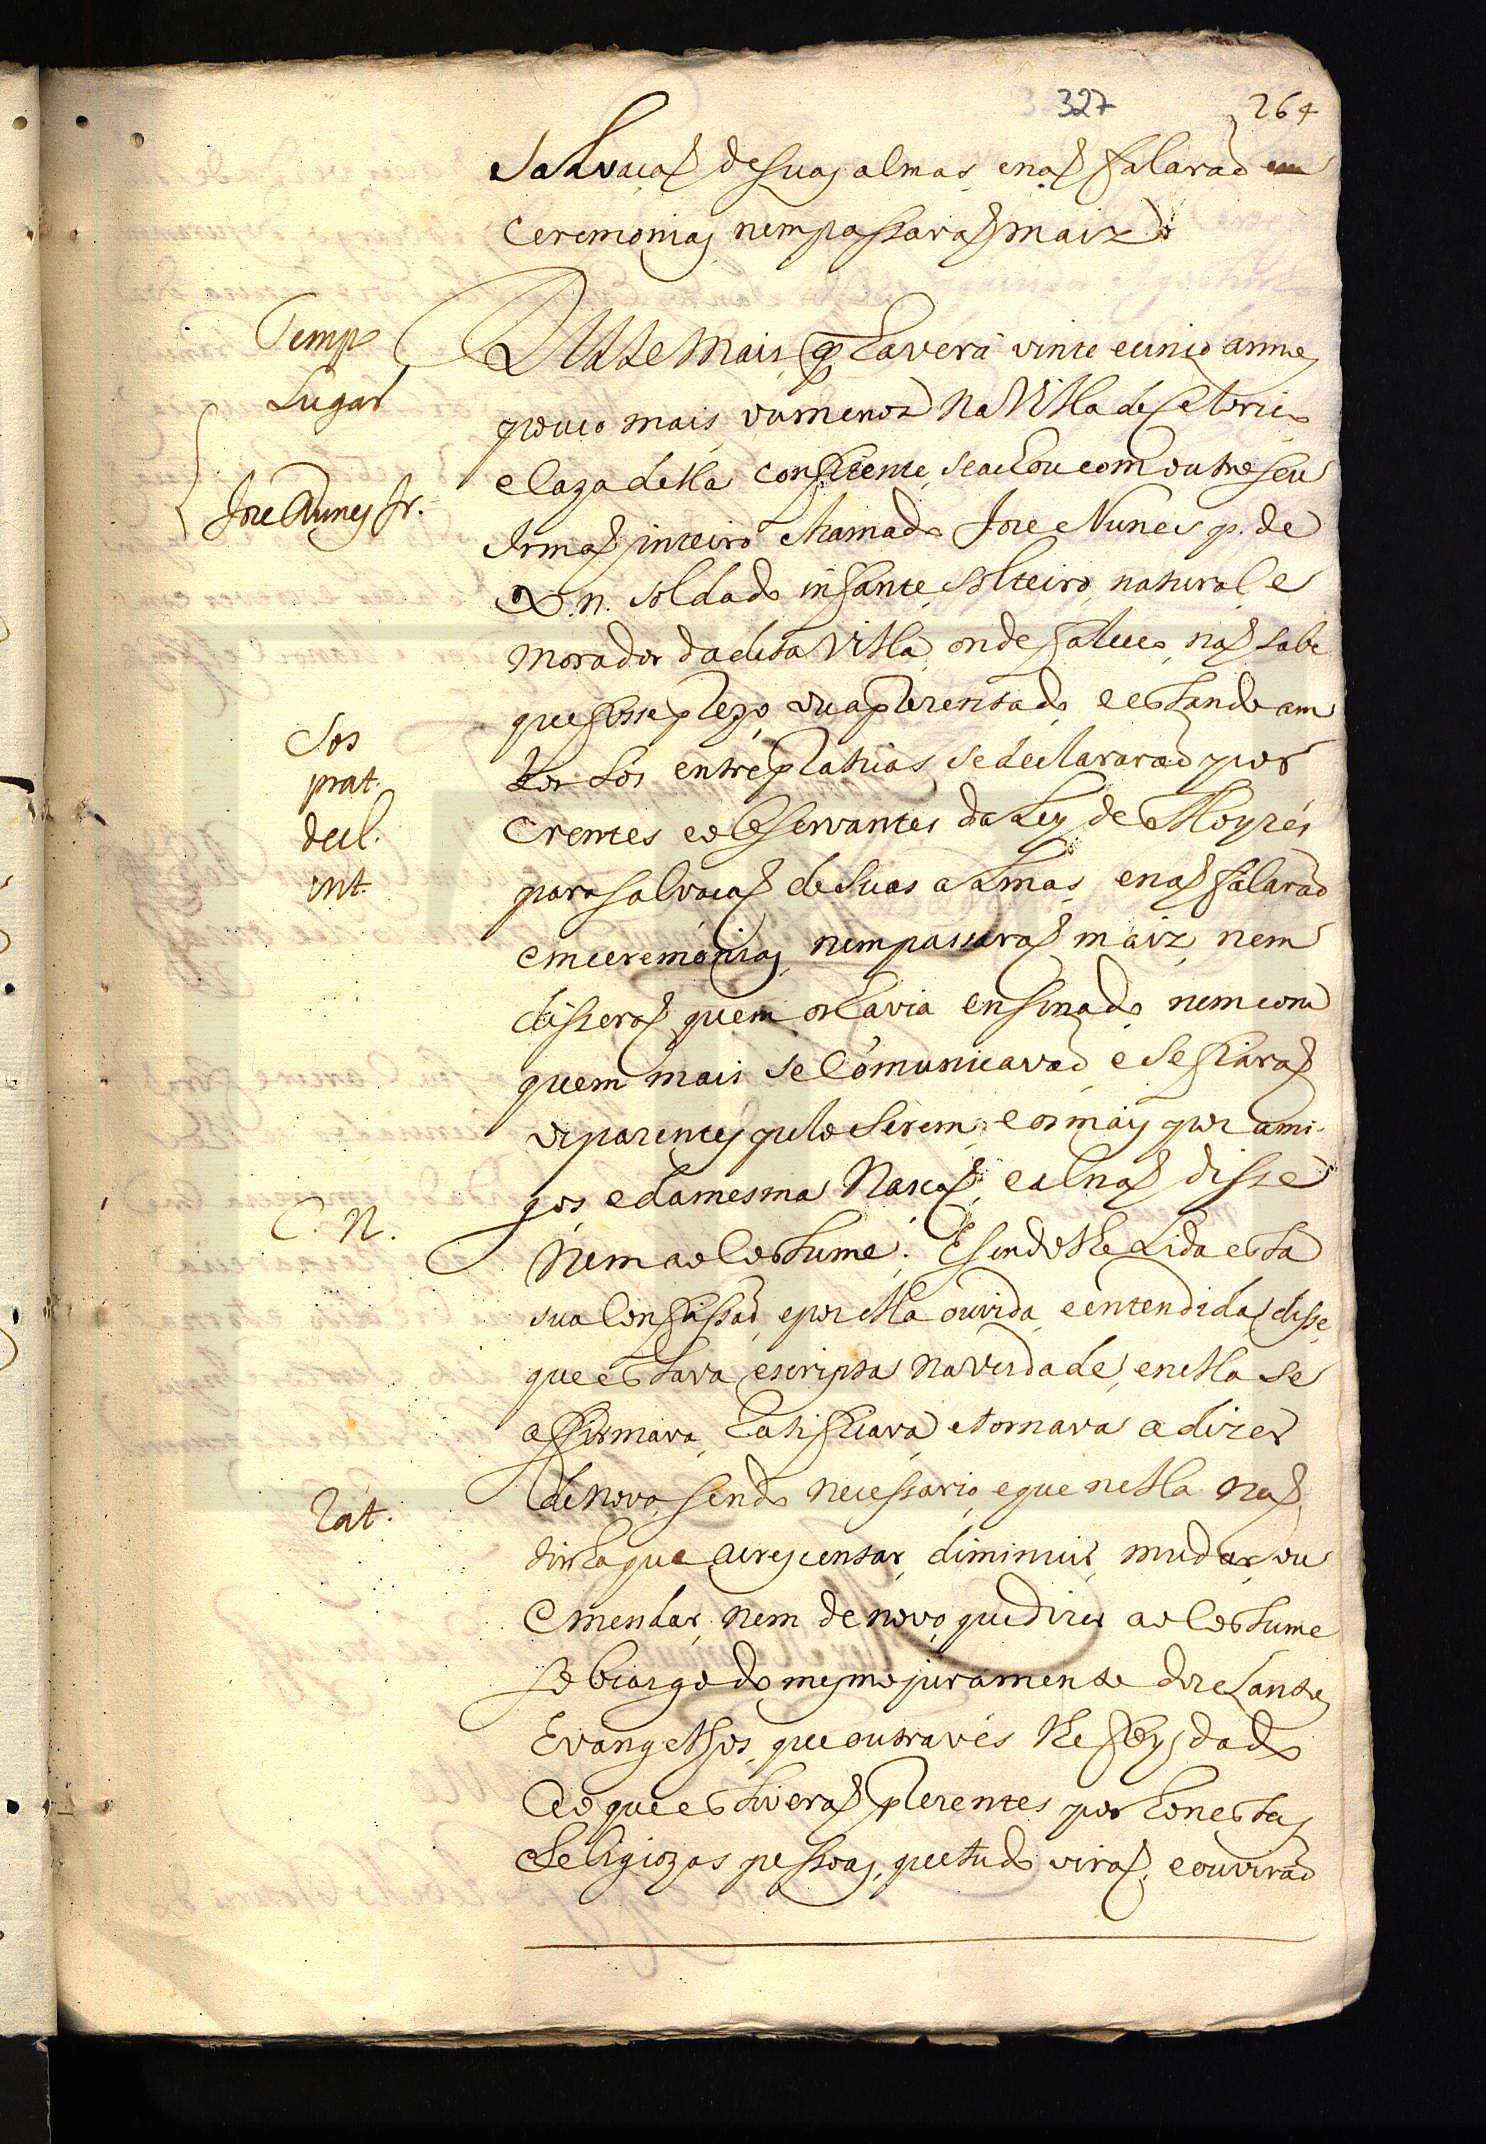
264
salvaçaõ de suas almas, e naõ falaraõ em
ceremonias nem passaraõ maiz
Disse mais, q̄ havera vinte e cinco annos
Tempo
Lugar
pouco mais, ou menoz na Villa de Celorico
e Caza della confitente, se achou com outro seu
Joze Nunes Jr.
Irmaõ inteiro chamado Joze Nunes p. de
x. n. soldado infante, solteiro, natural, e
morador da dita villa onde faleceo, naõ sabe
que fosse pRezo, ou apRezentado, e estando am
sos
prat.
bos sós entre pRaticas se declararaõ por
decl.
int.
crentes e observantes da Ley de Moyzés
para salvaçaõ de suas almas, e naõ falaraõ
em ceremonias, nem passaraõ maiz, nem
disseraõ quem os havia ensinado, nem com
quem mais se cōmunicavaõ, e se fiaraõ
os parentes pelo serem e os mais por ami
gos, e da mesma Nasçaõ, e al naõ disse
c. n.
Nem ao Costume; E sendolhe Lida esta
sua Confissaõ, e por ella ouvida, e entendida, disse,
que estava escripta na verdade, e nella se
affirmava, Ratificava, e tornava a dizer
de novo, sendo necessario, e que nella naõ
Rat.
tinha que acrescentar, diminuir, mudar, ou
emendar, nem de novo, que dizer ao Costume
sob cargo do mesmo juramento dos santos
Evangelhos, que outra vés lhe foy dado
ao que estiveraõ pRezentes por honestas
e Religiozas pessoas, que tudo viraõ, e ouviraõ
